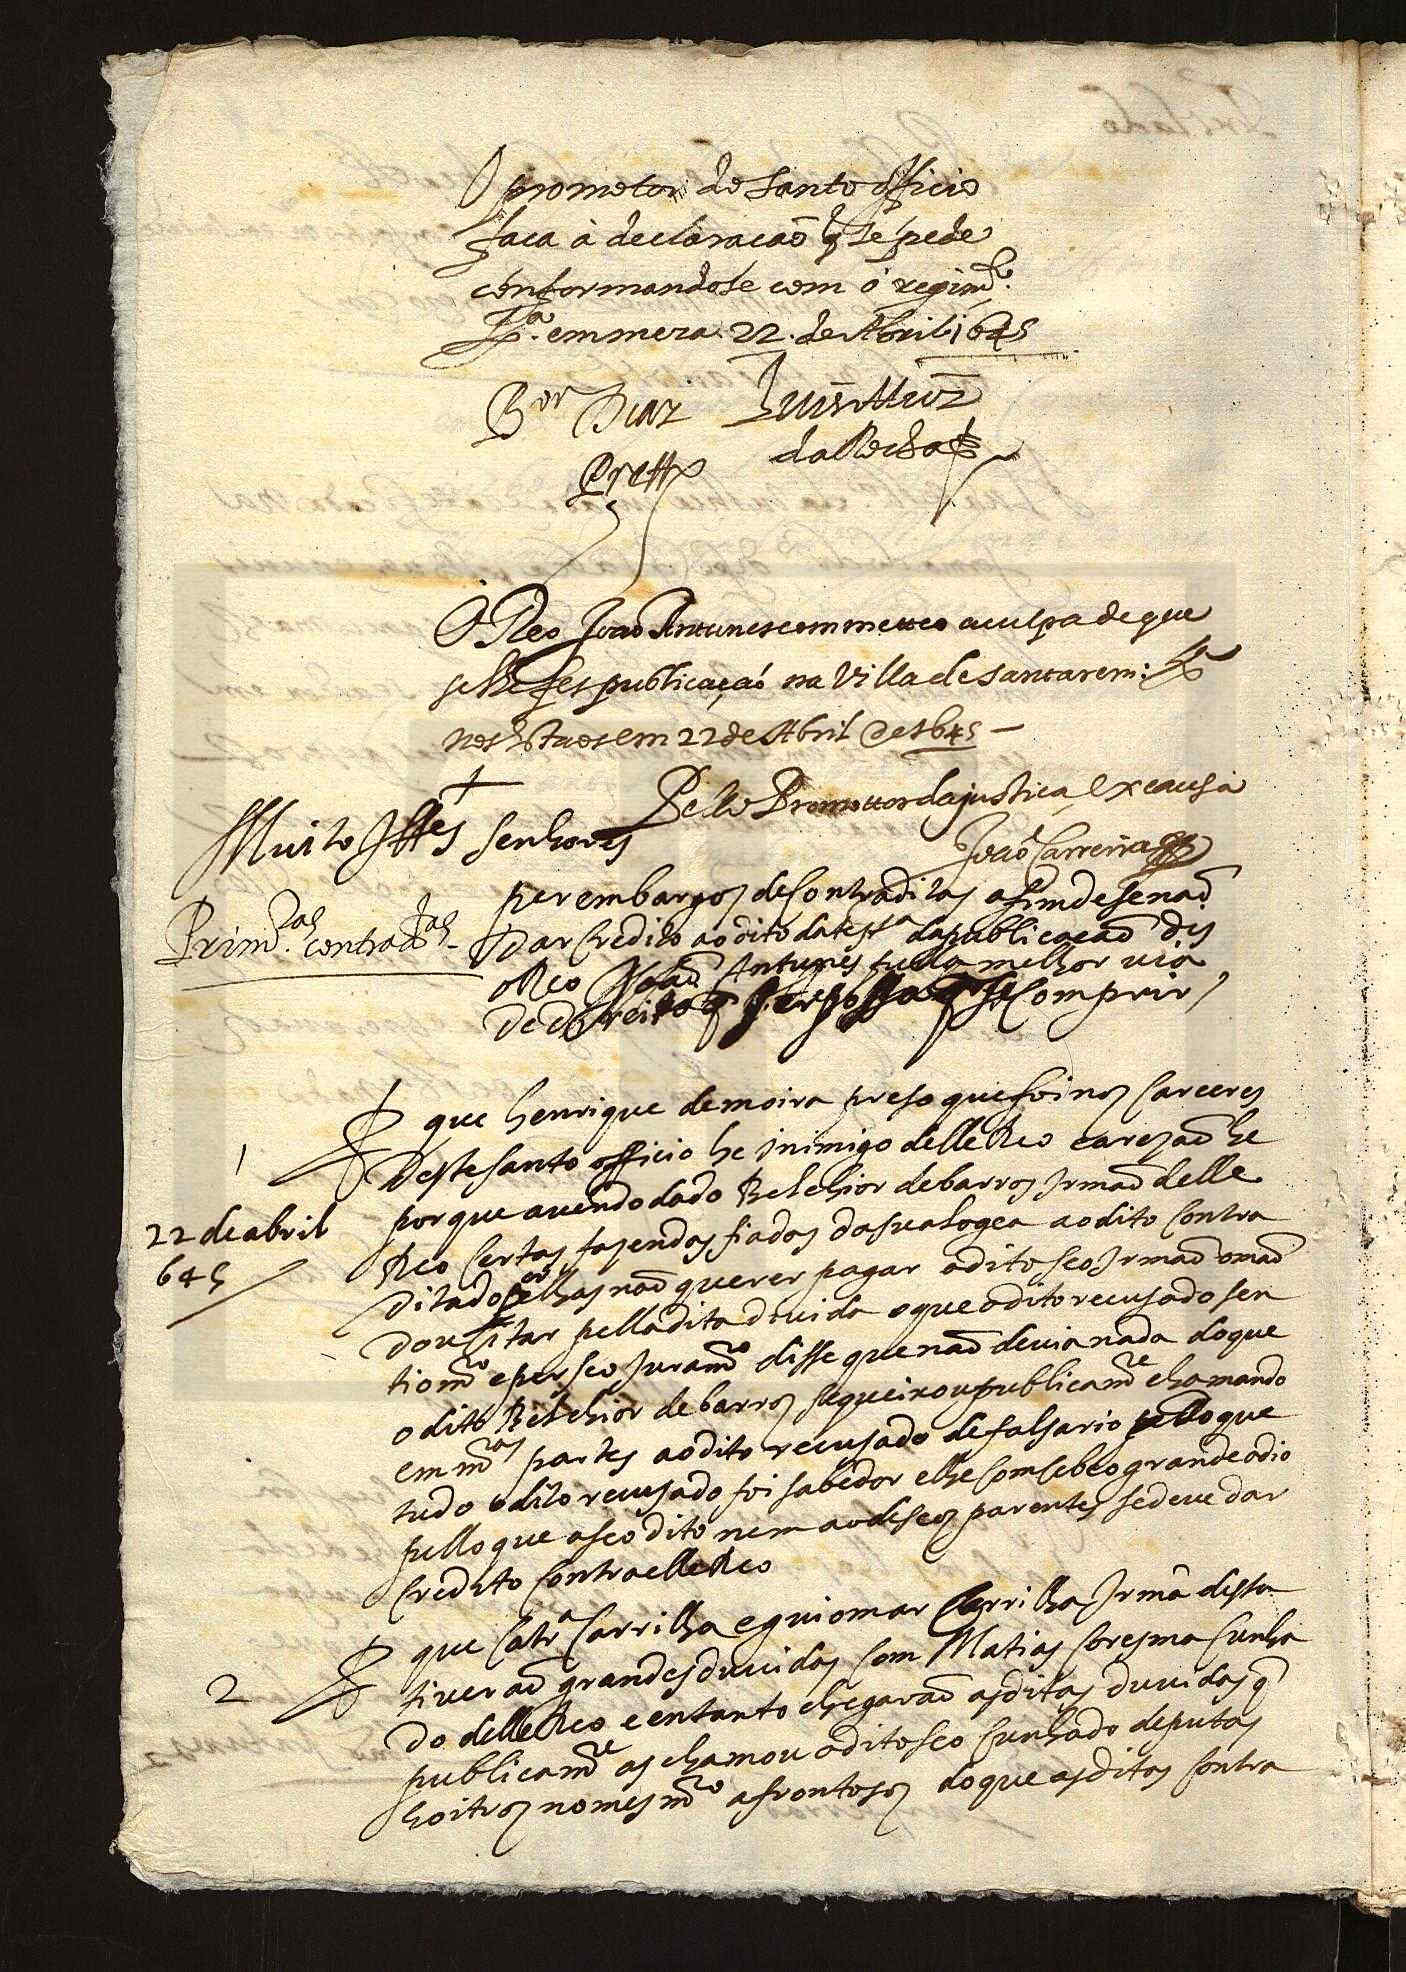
O promotor do santo officio
faça a declaraçaõ q̄ se pede
conformandose com o regimto.
Lxa. em meza 22. de Abril i645
Bor Diaz
Pretto
Luis Aluz̄
da Rocha
O Reo Joaõ Antunes commetteo a culpa de que
se lhe fes publicaçaõ na villa de santarem: Lxa
nos Estaos em 22 de Abril de 1645
Pello Promottor da justiça, ex causa
Joaõ Carreira
Muito Jlles Senhores
por embargos de Contraditas afim de se naõ
dar Credito ao dito da testa da publicaçaõ dis
Prim.ras contrad̄as
o Reo Joaõ Antunes pella melhor uia
de direito q̄ _ar e possa q̄ se Comprir /
1 ꝓ que henrique de moira preso que foi nos Carceres
deste santo officio he inimigo delle Reo e a rezão he
porque auendo dado Belchior de barros Jrmaõ delle
Reo Certas fazendas fiadas da sua Logea ao dito Contra
22 de abril
645
ditado por lhas não querer pagar o dito seo Jrmaõ o maõ
dou citar pella dita diuida o que o dito recusado sen
tio mto e per seo Juramto disse que naõ deuia nada do que
o dito Belchior de barros se queixou publicamte chamando
em mtas partes ao dito recusado de falsario pello que
tudo o dito recusado foi sabedor e lhe Comcebeo grande odio
pello que a seo dito nem ao de seos parentes se deue dar
Credito Contra elle Reo
2 ꝓ que Catra Carrilha e guiomar Carrilha Jrmā desta
tiueraõ grandes duuidas Com Matias Coresma Cunha
do delle Reo e entanto chegaraõ as ditas duuidas q̄
publicamte as chamou o dito seo Cunhado de putas
E oitros nomes mto afrontosos do que as ditas Contra
